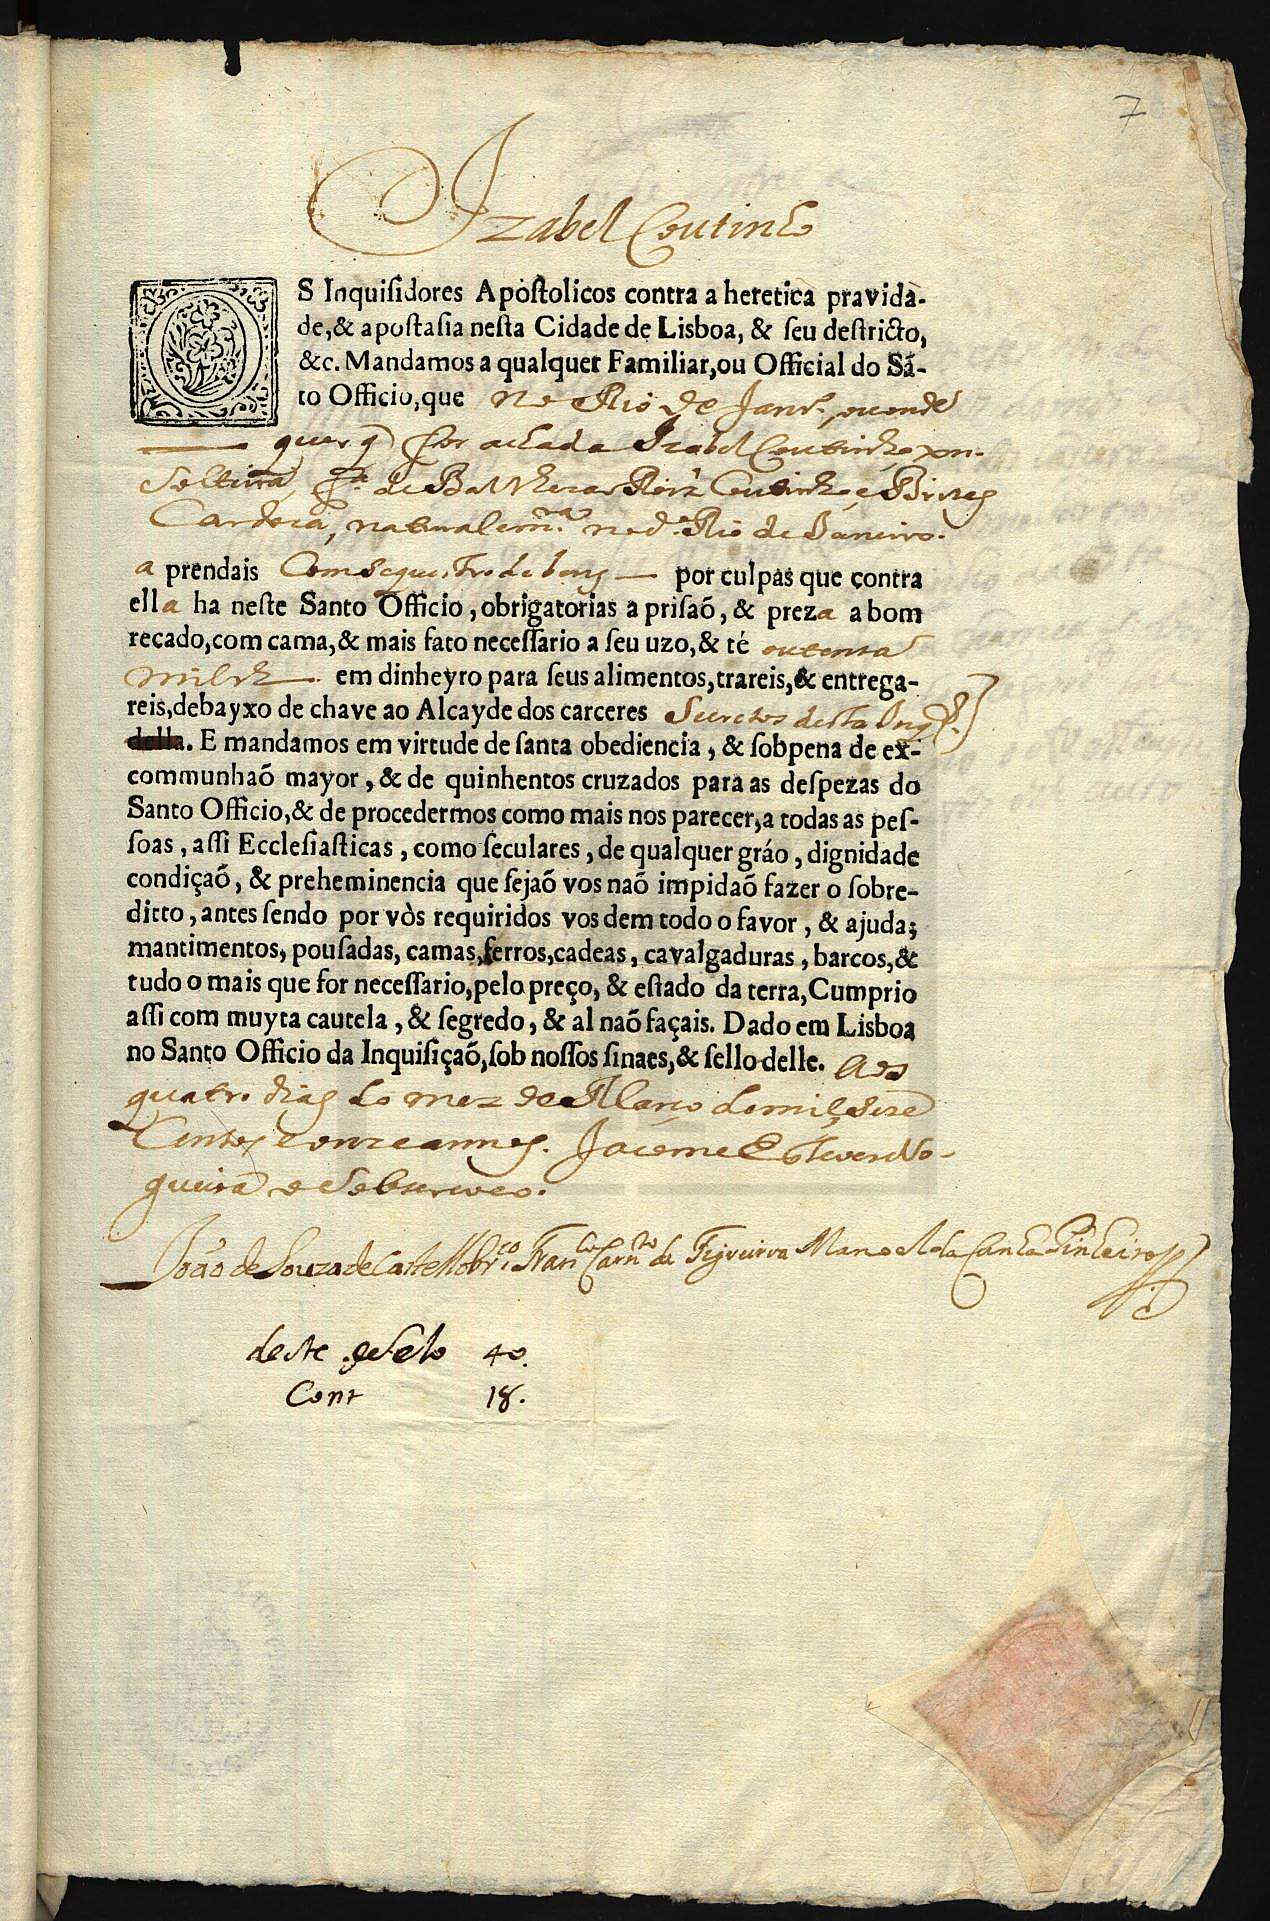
Jzabel Coutinho
S Inquisidores Apostolicos contra a heretica pravida
de, & apostasia nesta Cidade de Lisboa, & seu destricto
&c. Mandamos a qualquer Familiar, ou Official do Sā
to Officio, que no Rio de Janr.o ou onde
quer q̄ for achada Izabel Coutinho, xn
Solteira f.a de Balthezar Roiz̄ Coutinho, e Brites
Cardoza, natural e m.ra no d.o Rio de Ianeiro.
a prendais Com sequestro de bens - por culpas que contra
ella ha neste Santo Officio, obrigatorias a prisaõ, & preza a bom
recado, com cama, & mais fato necessario a seu uzo, & té outenta
mil rs em dinheyro para seus alimentos, trareis, & entrega
reis, debayxo de chave ao Alcayde dos carceres Secretos desta Inq.aõ
della E mandamos em virtude de santa obediencia, & sob pena de ex
communhaõ mayor, & de quinhentos cruzados para as despezas do
Santo Officio, & de procedermos como mais nos parecer, a todas as pes
soas, assi Ecclesiasticas, como seculares, de qualquer gráo, dignidade
condiçaõ, & preheminencia que sejaõ vos naõ impidaõ fazer o sobre
ditto, antes sendo por vòs requiridos vos dem todo o favor, & ajuda;
mantimentos, pousadas, camas, ferros, cadeas, cavalgaduras, barcos, &
tudo o mais que for necessario, pelo preço, & estado da terra, Cumprio
assi com muyta cautela, & segredo, & al naõ façais. Dado em Lisboa
no Santo Officio da Inquisiçaõ, sob nossos sinaes, & sello delle. aos
quatro dias do mez de Março de mil, sete
Centos e onze annos. Jacome Esteves No
gueira o Sobscreveo.
Ioão de Souza de Castelbr.co Fran.co Carn.ro de Figueiroa Manoel da Cunha Pinheiro
deste selo 40.
cont 18.
